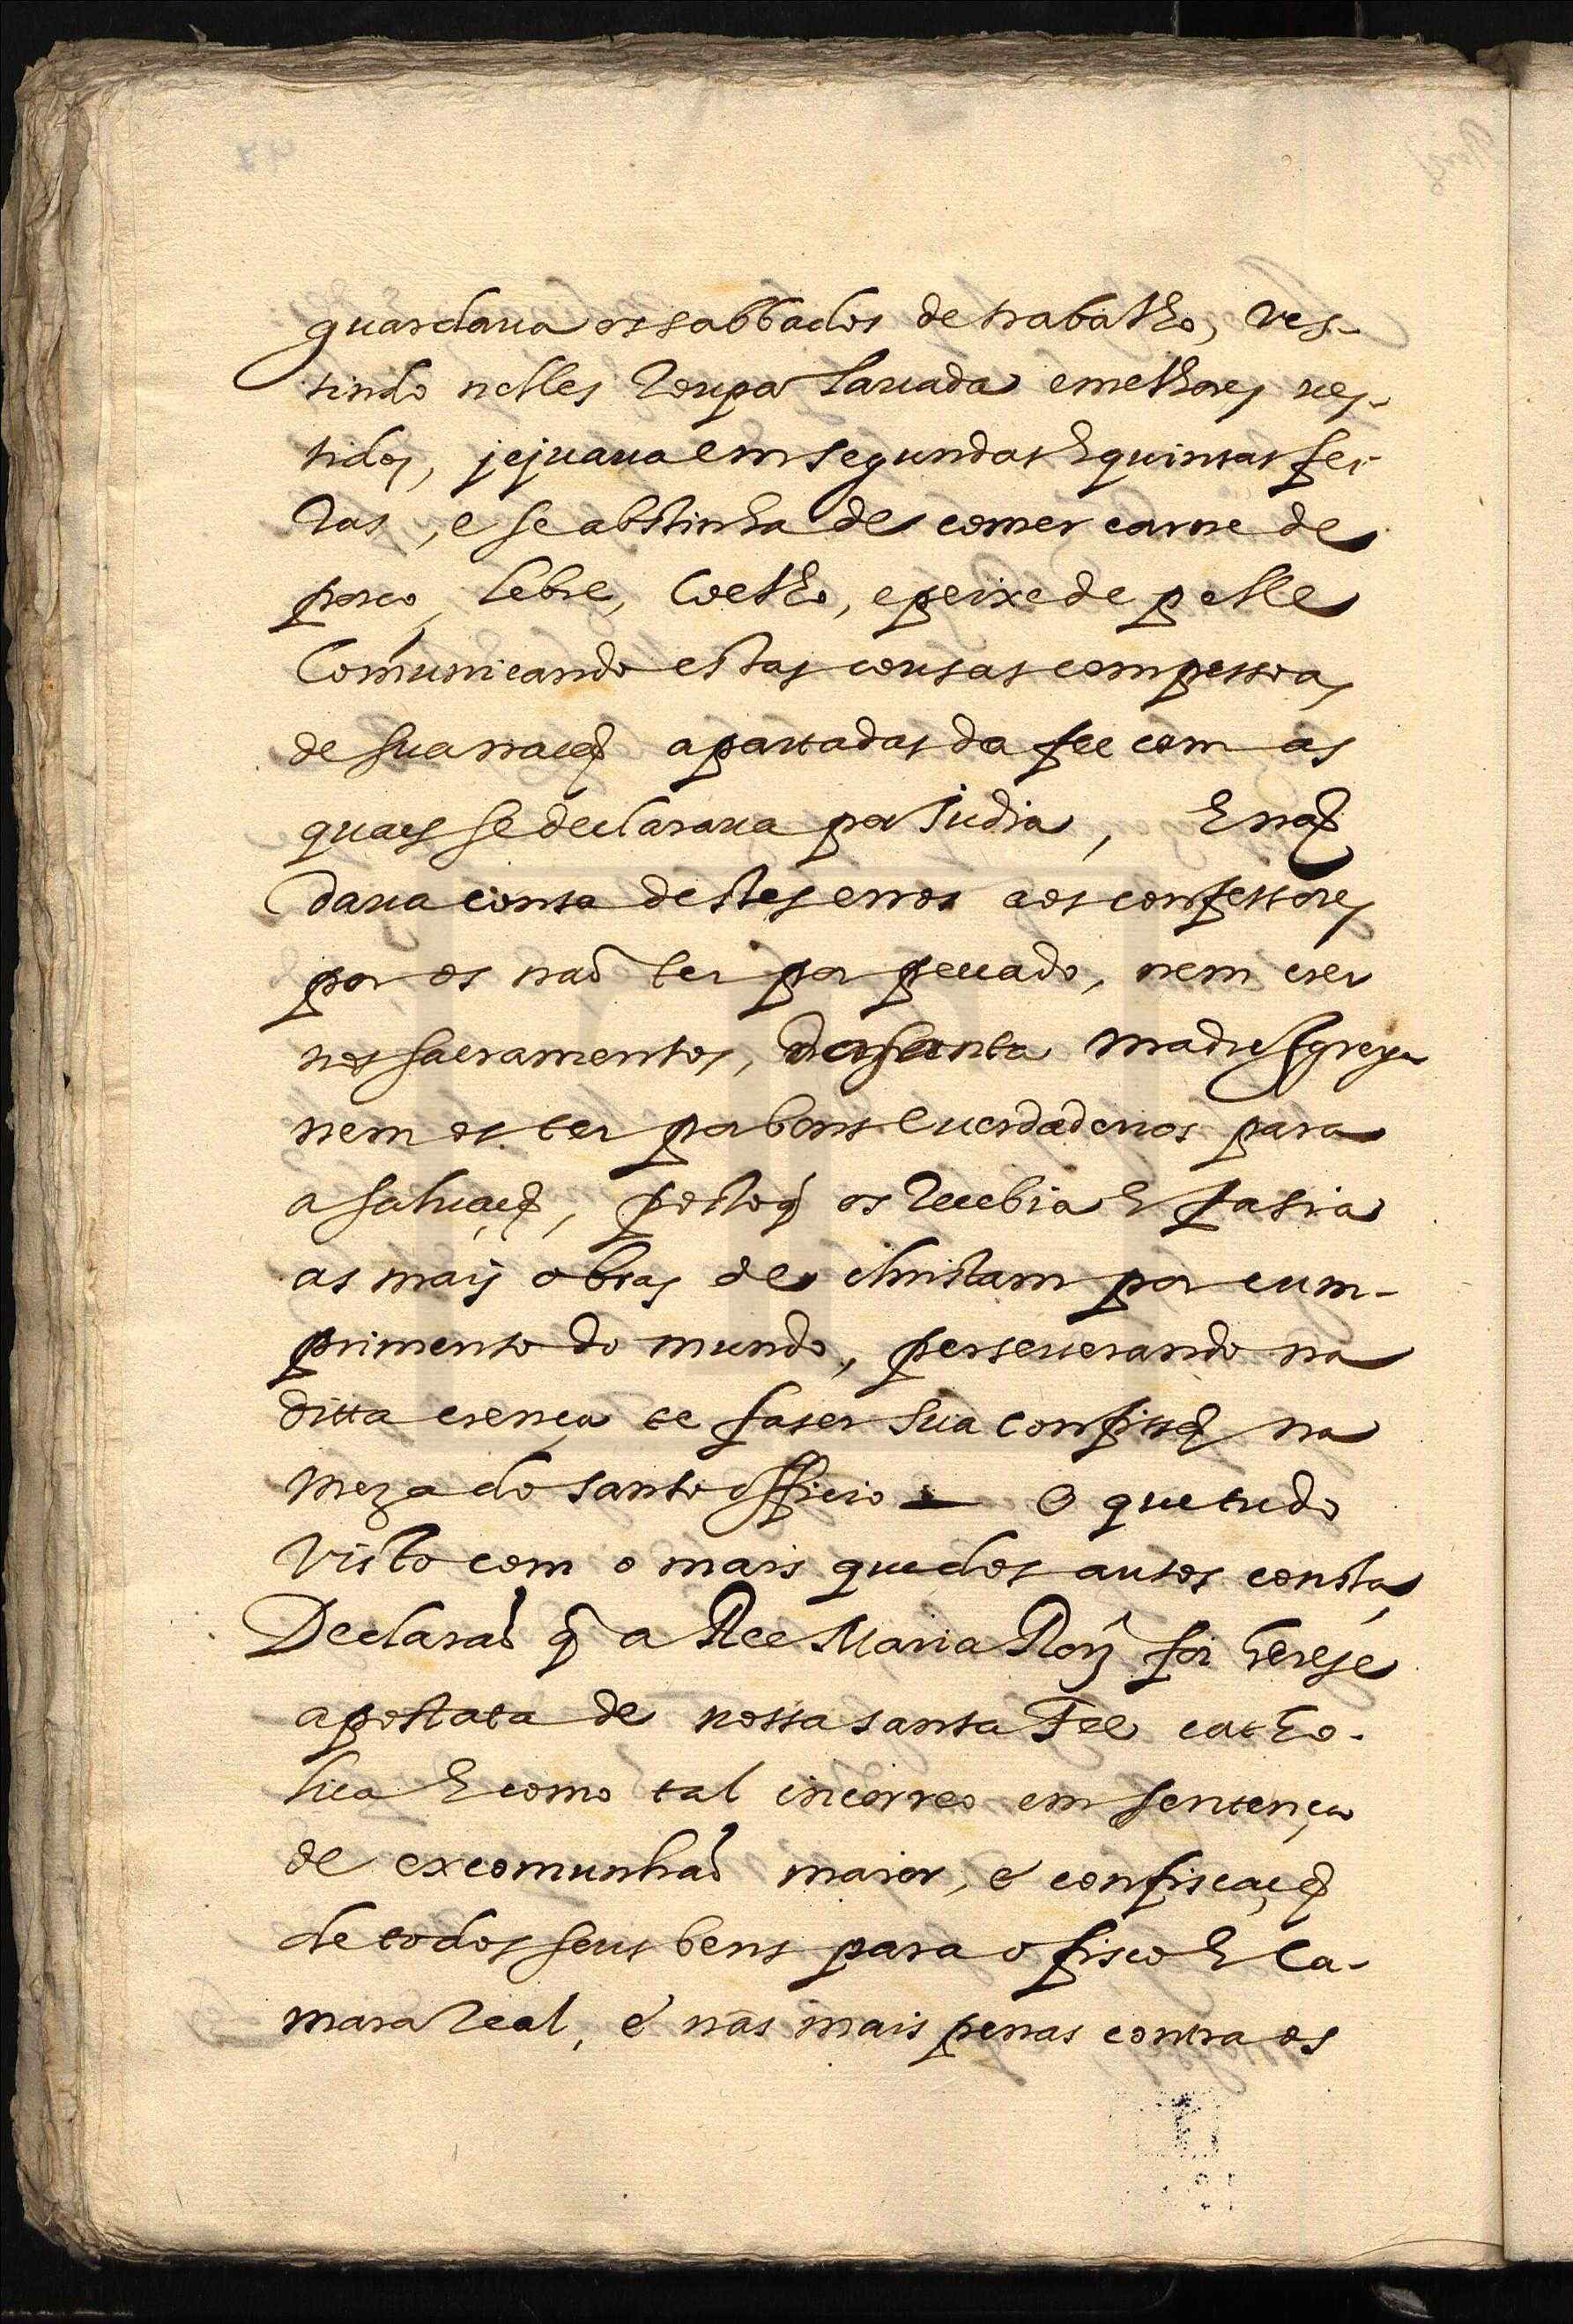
guardaua os sabbados de trabalho, ves
tindo nelles roupa lauada e melhores ues
tidos, jejuaua em segundas E quintas fei
ras, e se abstinha de comer carne de
porco, lebre, coelho, e peixe de pelle
comunicando estas cousas com pessoas
de sua nacaõ apartadas da fee com as
quaes se declaraua por Iudia, E naõ
daua conta destes erros aos confessores
por os naõ ter por peccado, nem crer
nos sacramentos, de santa madre Jgreya
nem os ter por bons e uerdadeiros para
a saluaçaõ, posto q̄ os recebia E fasia
as mais obras de christam por cum
primento do mundo, perseuerando na
ditta crença te faser sua confissaõ na
meza do santo officio - O que tudo
visto com o mais que dos autos consta,
Declaraõ q̄ a Ree Maria Roiz̄ foi herege
apostata de nossa santa Fee catho
lica E como tal incorreo em sentença
de excomunhaõ maior, & confiscaçaõ
de todos seus bens para o fisco E ca
mara Real, & nas mais penas contra os
